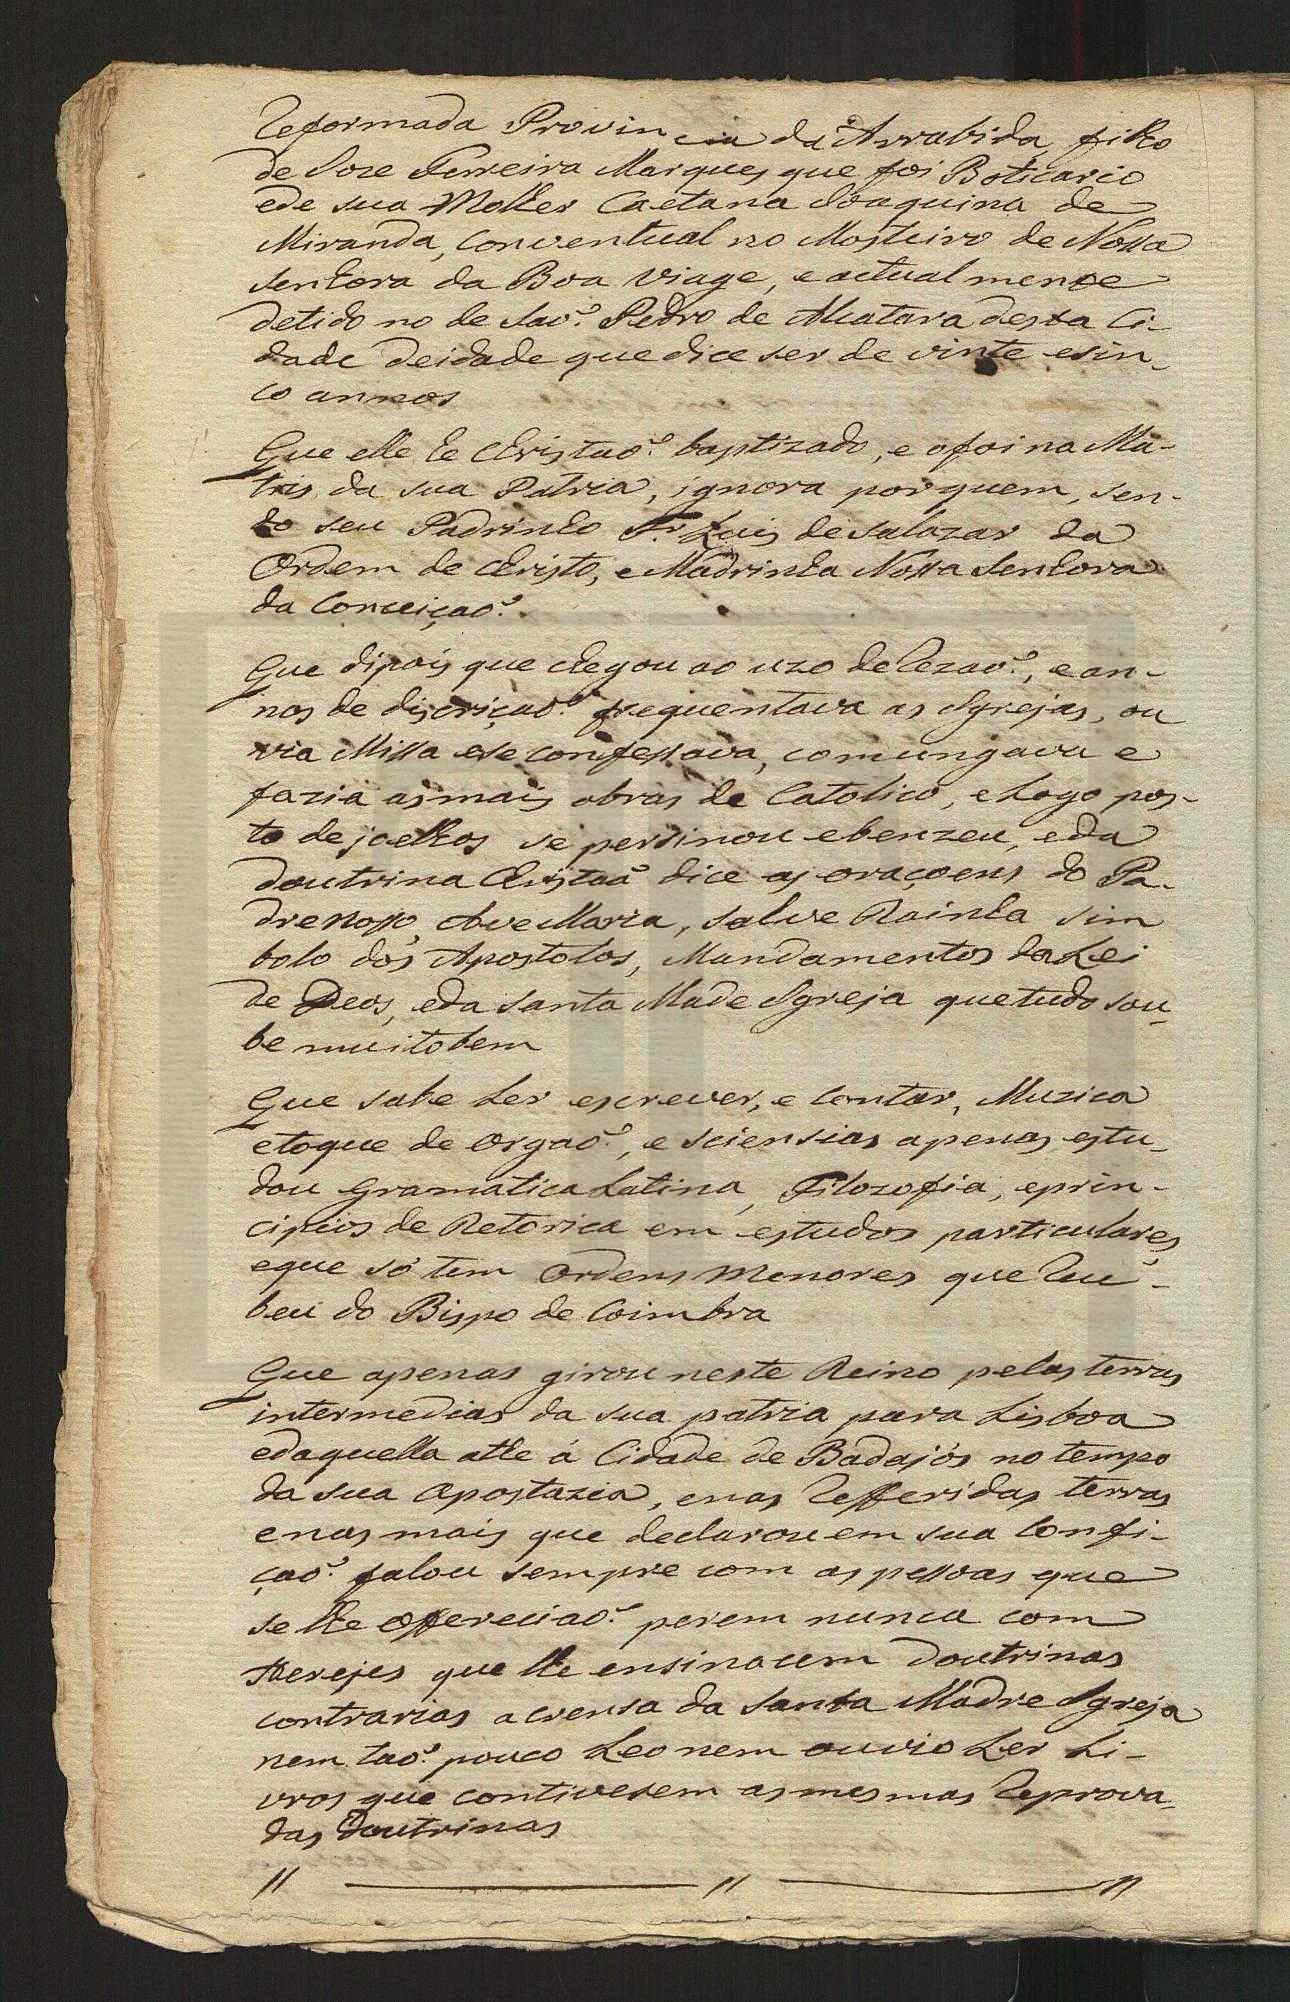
Reformada Provincia da Arrabida, filho
de Ioze Ferreira Marques que foi Boticario
e de sua molher Caetana Ioaquina de
Miranda, conventual no Mosteiro de Nossa
senhora da Boa viage, e actualmente
detido no de Saõ Pedro de Alcatara desta Ci
dade de idade que dice ser de vinte e sin
co annos
Que elle he christaõ baptizado, e o foi na Ma
tris da sua Patria, ignora por quem, sen
do seu Padrinho F.r Luis de salazar da
Ordem de christo, e Madrinha Nossa Senhora
da Conceiçaõ
Que dipois que chegou ao uzo de Rezaõ, e an
nos de discriçaõ. frequentava as Igrejas, ou
via Missa e se confessava, comungava e
fazia as mais obras de Catolico, e Logo pos
to de joelhos se persinou e benzeu, e da
doutrina christaã dice as oraçoens do Pa
dre nosso, Ave Maria, salve Rainha sim
bolo dos Apostolos, Mandamentos da Lei
de Deos, e da santa Made Igreja que tudo sou
be muito bem
Que sabe ler escrever, e contar, Muzica
e toque de orgaõ, e sciensias apenas estu
dou Gramatica Latina, Filozofia, e prin
cipios de Retorica em estudos particulares
e que só tem ordens menores que Rece
beu do Bispo de Coimbra
Que apenas girou neste Reino pelas terras
intermedias da sua patria para Lisboa
e daquella athe á Cidade de Badajós no tempo
da sua apostazia, e nas Refferidas terras
e nas mais que declarou em sua confi
çaõ falou sempre com as pessoas que
se lhe offereciaõ porem nunca com
Herejes que lhe ensinacem doutrinas
contrarias a crensa da santa Madre Igreja
nem taõ pouco deo nem ouvio Ler Li
vros que contivesem as mesmas Reprova
das doutrinas
